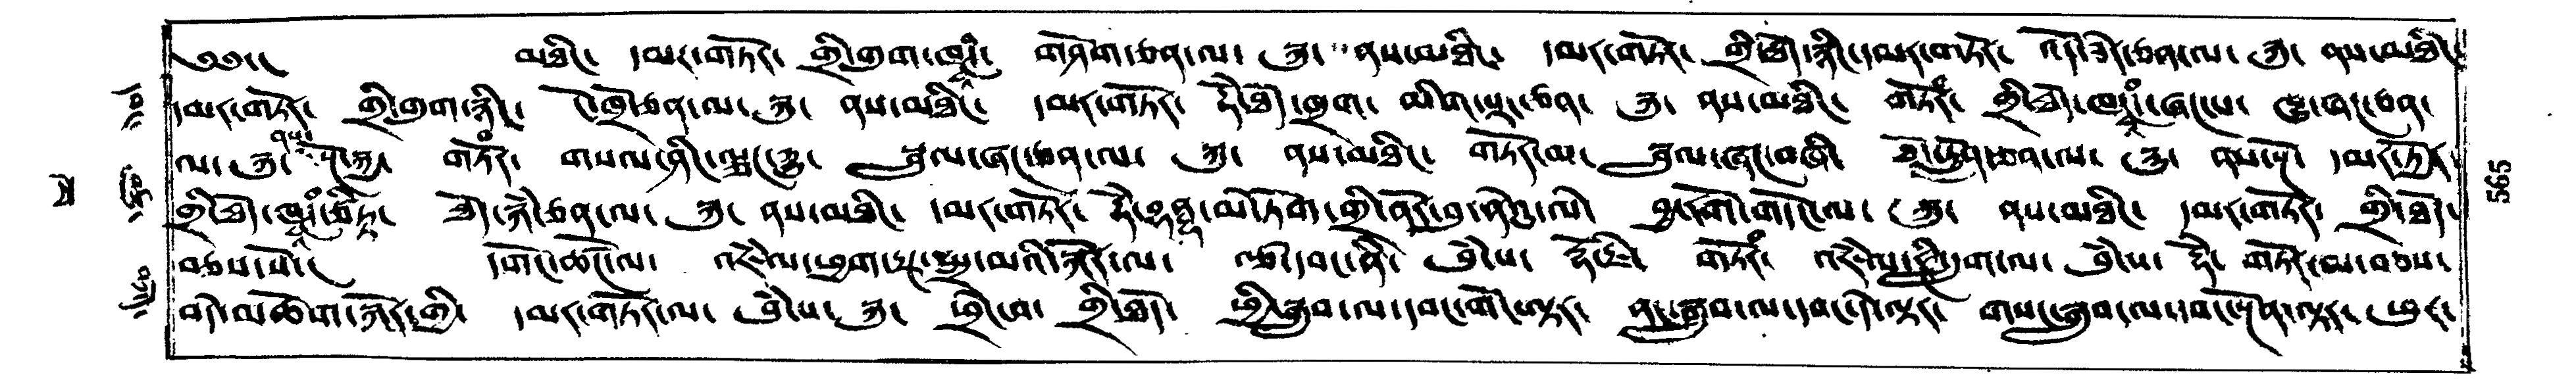མཐིང་། དམར་གཏོར། གྲི་གུག་ཁཊྭཱཾ། གཤོག་ཅན་ལ། སྐུ། ནས་མཐིང་། དམར་གཏོར། གྲི་ཐོད། སྙིང་། དམར་གཏོར། འོད་ཟེར་ཅན་ལ། སྐུ། ནས་མཐིང་། 
དམར་གཏོར། གྲི་གུག་སྙིང་། ངོ་ཁྲོ་ཅན་ལ། སྐུ། ནས་མཐིང་། དམར་གཏོར། རྡོ་རྗེ་ཐོད་ཁྲག མིག་སྡང་ཅན་ལ། སྐུ། ནས་མཐིང་། གཏོར་མ། གྲི་ཐོད་ཁཊྭཱཾ་ཞགས་པ། རྒྱུ་ཞགས་ཅན་
ལ། སྐུ། ནས་སྔོ་སྐྱ། གཏོར་མ། གསལ་ཤིང་ལྕགས་ཀྱུ། སྦྲུལ་ཞགས་ཅན་ལ། སྐུ། ནས་མཐིང་། གཏོར་མ། སྦྲུལ་ཞགས་བཞི། ཐོད་རློན་ཅན་ལ། སྐུ། ནས་སྔོ། དམར་གཏོར་
གྲི་ཐོད་ཁཊྭཱཾ་ཙིཏྟ། ཐོད་སྐམ་ཅན་ལ། སྐུ། ནས་མཐིང་། དམར་གཏོར། རྡོ་རྗེ་བྷནྡྷ་མེ་ཏོག་གྲི་ནོར་བུ་ནེའུ་ལེ། བྱ་རོག་གདོང་ལ། སྐུ། ནས་མཐིང་། དམར་གཏོར། གྲི་ཐོད་
བཅས་སོ། དགོང་ཚོགས་ལ།འཇམ་དཔལ་ཕྱག་རྟགས་སྤྲ་མའི་སྐོར་ལ། རྩ་དབང་ནི། བུམ་པ། རྡོ་རྗེ། གཏོར་མ། འཇམ་དཔལ་རིགས་དྲུག་ལ། བུམ་པ། རྡོ་རྗེ། གཏོར་མ་བཅས།
 བདེ་མཆོག་སྐོར་གྱི་དམར་གཏོར་ལ། བུམ་པ། སྐུ། ཕྲེང་བ། གྲི་ཐོད། ཕྱི་སྒྲུབ་ལ་དབང་གོང་ལྟར། ནང་སྒྲུབ་ལ་དབང་དེ་ལྟར། གསང་སྒྲུབ་ལ་དབང་སྔོན་ལྟར། ཕུར་